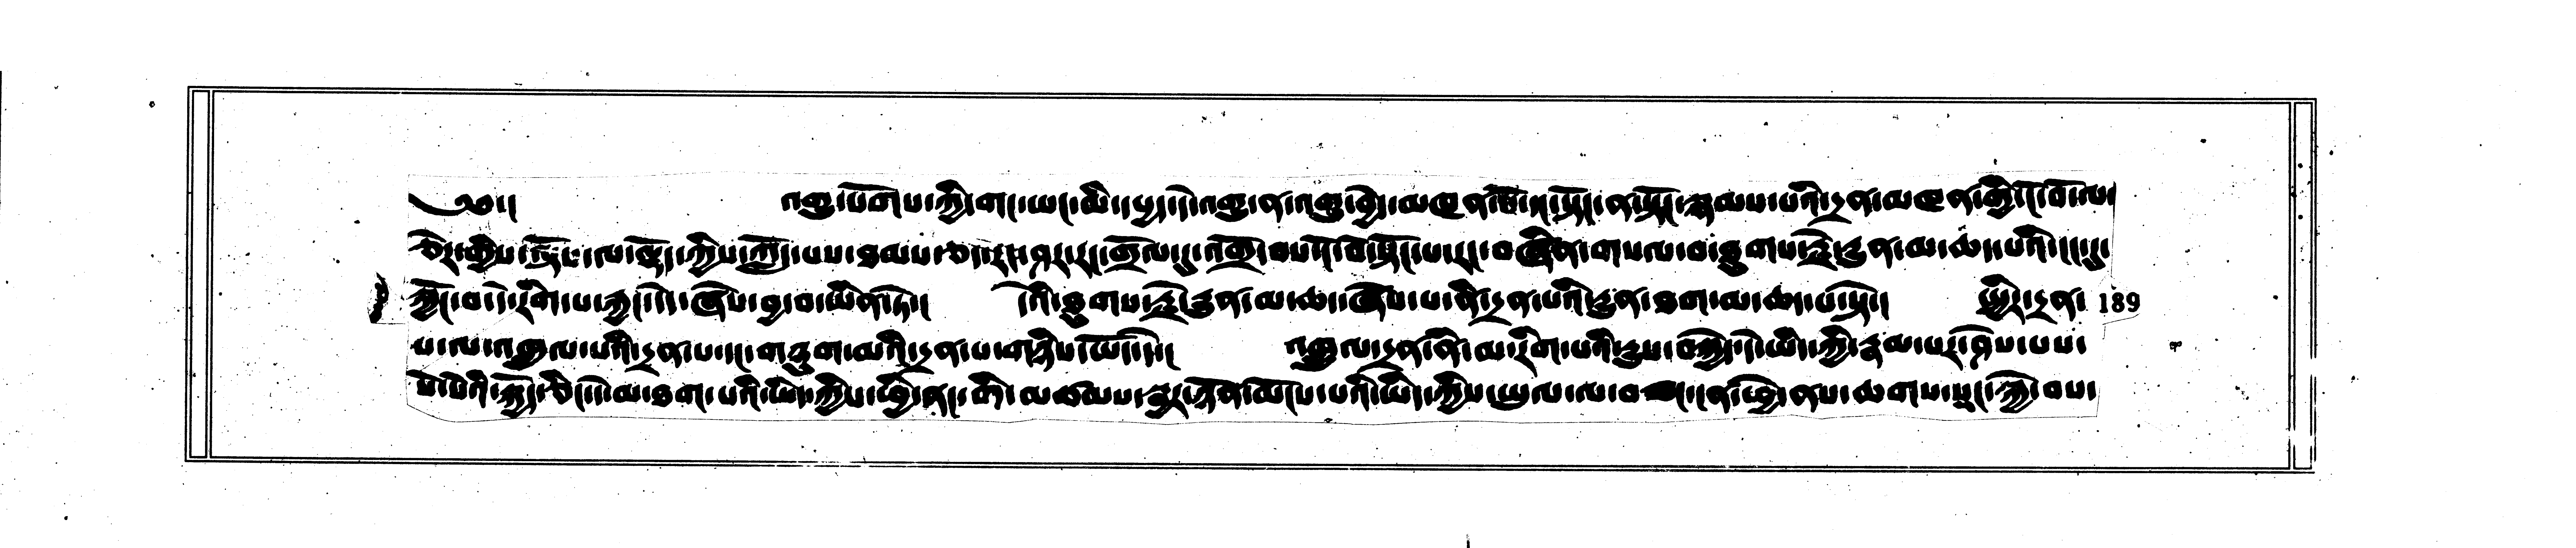འགྱུ་སོགས་ཀྱིས་གང་ཡང་མི་དཔྱད་དེ། འགྱུ་ན་འགྱུ་བྱེད་མཁན་པོ་དང་སྟོང་ན་སྟོང་སྙམ་པའི་དྲན་མཁན་གྱི་ངོ་བོ་ལ་
ཅེར་གྱིས་ལྟོས་ལ་ལྷོད་ཀྱིས་ཀློད་པས་ཐམས་ཅད་རང་ཤར་རང་གྲོལ་དུ་འགྲོ་བས་ངོ་བོ་སྟོང་པ་རང་བཞིན་གསལ་བ་ཐུགས་རྗེ་རྒྱུན་མ་ཆད་པའི་ངང་དུ་
སྐྱོང་བ་དེ་རིག་པ་རྐྱང་དེད་ཞེས་བྱ་བ་ཡིན་ཏེ། དེའི་ཐུགས་རྗེ་རྒྱུན་མ་ཆད་ཅེས་པ་ནི་དྲན་པའི་རྒྱུན་ཐག་མ་ཆད་པ་སྟེ། སྤྱིར་དྲན་
པ་ལ་འཁྲུལ་པའི་དྲན་པ་དང་། གཉུག་མའི་དྲན་པ་གཉིས་ཡོད་དེ། འཁྲུལ་དྲན་ནི་མ་རིག་པའི་རྒྱུས་བསྐྱེད་དེ་ཡིད་ཀྱི་རྣམ་པར་ཤེས་པས་
སོ་སོའི་སྐྱོད་ཅིང་དེ་མ་ཐག་པའི་ཡིད་ཀྱིས་ཕྱི་ནང་གི་མཚམས་སྦྱར། ཉོན་མོངས་པའི་ཡིད་ཀྱིས་ཡུལ་ལ་བཟང་ངན་ཕྱེ་ནས་ཆགས་སྡང་སྐྱེ་བས་